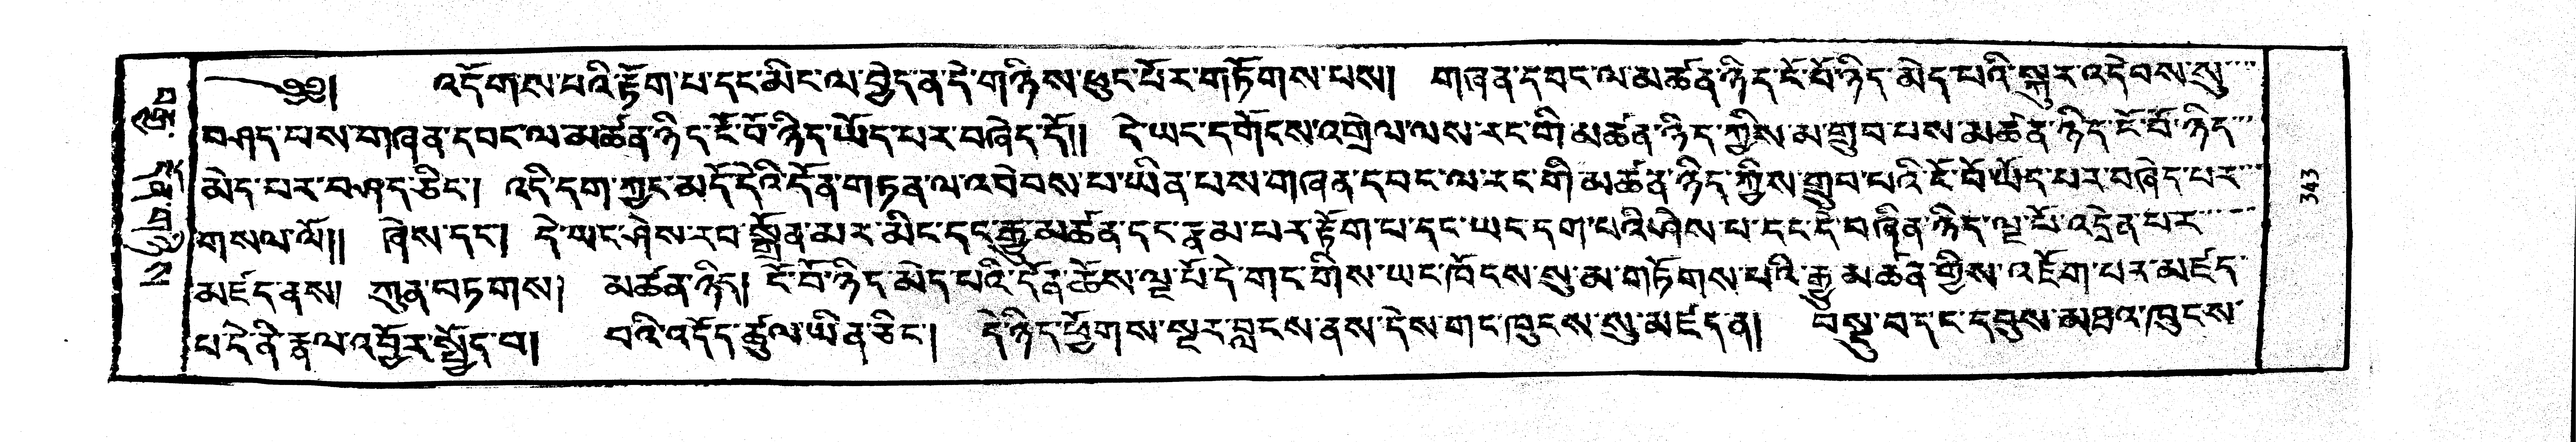༄༅། །འདོགས་པའི་རྟོག་པ་དང་མིང་ལ་བྱེད་ན་དེ་གཉིས་ཕུང་པོར་གཏོགས་པས། གཞན་དབང་ལ་མཚན་ཉིད་ངོ་བོ་ཉིད་མེད་པའི་སྐུར་འདེབས་སུ་
ཕ༹བཤད་པས་གཞན་དབང་ལ་མཚན་ཉིད་ངོ་བོ་ཉིད་ཡོད་པར་བཞེད་དོ། །དེ་ཡང་དགོངས་འགྲེལ་ལས་རང་གི་མཚན་ཉིད་ཀྱིས་མ་གྲུབ་པས་མཚན་ཉིད་ངོ་བོ་ཉིད་
མེད་པར་བཤད་ཅིང་། འདི་དག་ཀྱང་མདོ་དེའི་དོན་གཏན་ལ་འབེབས་པ་ཡིན་པས་གཞན་དབང་ལ་རང་གི་མཚན་ཉིད་ཀྱིས་གྲུབ་པའི་ངོ་བོ་ཡོད་པར་བཞེད་པར་
གསལ་ལོ། །ཞེས་དང་། དེ་ཡང་ཤེས་རབ་སྒྲོན་མར་མིང་དང་རྒྱུ་མཚན་དང་རྣམ་པར་རྟོག་པ་དང་ཡང་དག་པའི་ཤེས་པ་དང་དེ་བཞིན་ཉིད་ལྔ་པོ་འདྲེན་པར་
མཛད་ནས། ཀུན་བཏགས། མཚན་ཉིད། ངོ་བོ་ཉིད་མེད་པའི་དོན་ཆོས་ལྔ་པོ་དེ་གང་གིས་ཡང་ཁོངས་སུ་མ་གཏོགས་པའི་རྒྱུ་མཚན་གྱིས་འཇོག་པར་མཛད་
པ་དེ་ནི་རྣལ་འབྱོར་སྤྱོད་པ། བའི་འདོད་ཚུལ་ཡིན་ཅིང་། དེ་ཉིད་ཕྱོགས་སྔར་བླངས་ནས་དེས་གང་ཁུངས་སུ་མཛད་ན། བསྡུ་བ་དང་དབུས་མཐའ་ཁུངས་